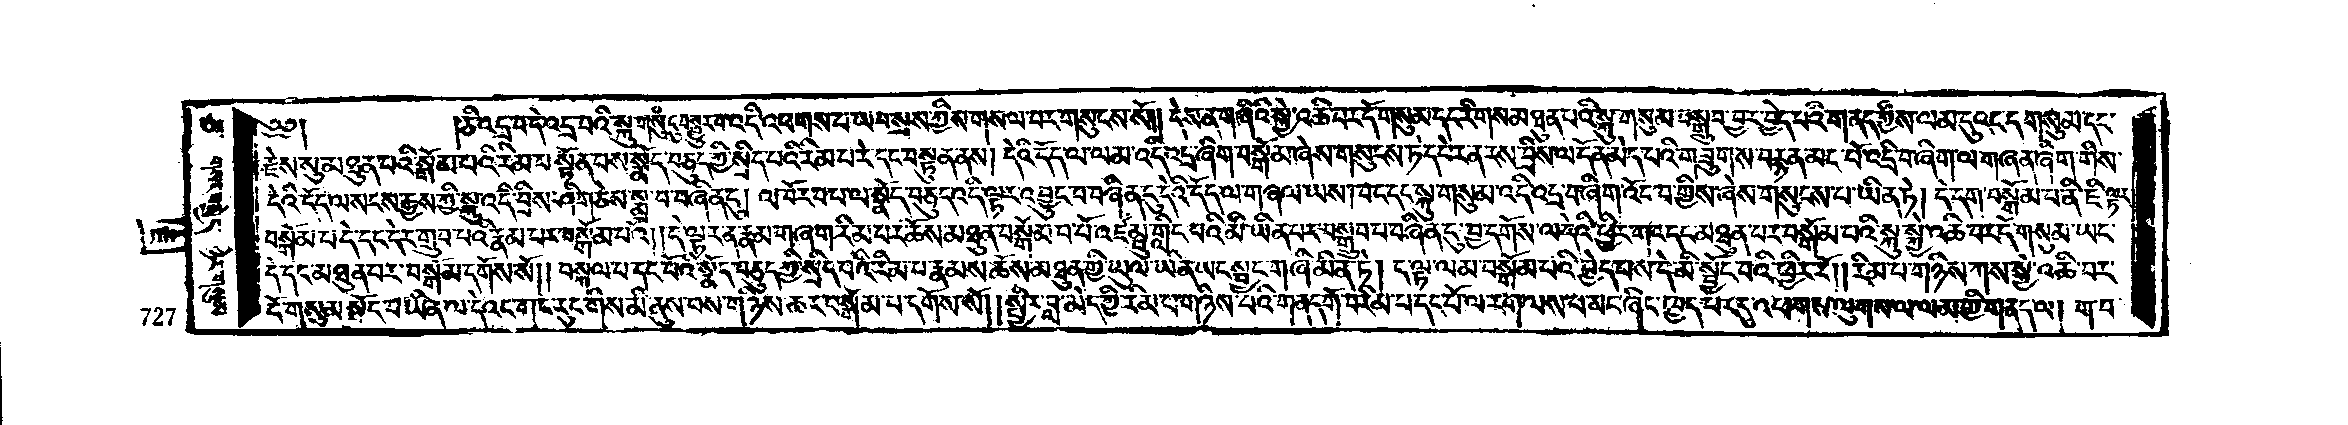༄༅། །ཅི་འདྲ་བ་དེ་འདྲ་བའི་སྐུ་གསུམ་དུ་བསྒྱུར་བ་འདི་འཕགས་པ་ཡབ་སྲས་ཀྱིས་གསལ་བར་གསུངས་སོ། །དེས་ན་གཞིའི་སྐྱེ་འཆི་བར་དོ་གསུམ་དང་རིགས་མཐུན་པའི་སྐུ་གསུམ་བསྒྲུབ་བྱར་བྱེད་པའི་གནད་ཀྱིས་ལམ་དུའང་དེ་གསུམ་དང་
རྗེས་སུ་མཐུན་པའི་སྒོམ་པའི་རིམ་པ་སྟོན་པས་སྣོད་བཅུད་ཀྱི་སྲིད་པའི་རིམ་པ་རེ་དང་བསྟུན་ནས། དེའི་དོད་ལ་ལམ་འདི་འདྲ་ཞིག་བསྒོམ་ཞེས་གསུངས་ཏེ་དཔེར་ན་རས་བྲིས་ལ་དོན་མེད་པའི་གཟུགས་བརྙན་མང་པོ་འདྲི་བ་ཞིག་ལ་གཞན་ཞིག་གིས་
དེའི་དོད་ལ་སངས་རྒྱས་ཀྱི་སྐུ་འདི་བྲིས་ཤིག་ཅེས་སྨྲ་བ་བཞིན་དུ། འཁོར་བ་པ་ལ་སྣོད་བཅུད་འདི་ལྟར་འབྱུང་བ་བཞིན་དུ་དེའི་དོད་ལ་གཞལ་ཡས་ཁང་དང་སྐུ་གསུམ་འདི་འདྲ་བ་ཞིག་འོང་བ་གྱིས་ཞེས་གསུངས་པ་ཡིན་ཏེ། དེ་དག་བསྒོམ་པ་ནི་ཇི་ལྟར་
བསྒོམ་པ་དེ་དང་དེར་གྲུབ་པའི་རྣམ་པར་བསྒོམ་པའོ། །དེ་ལྟར་ན་རྣམ་གཞག་རིམ་པར་ཆོས་མཐུན་བསྒོམ་པ་པོ་འཛམ་བུ་གླིང་པའི་མི་ཡིན་པར་བསྒྲུབ་པ་བཞིན་དུ་བྱ་དགོས་ལ་དེའི་ཕྱིར་གང་དང་མཐུན་པར་བསྒོམ་པའི་སྐུ་སྐྱེ་འཆི་བར་དེ་?་གསུམ་ཡང་
དེ་དང་མཐུན་པར་བསྒོམ་དགོས་སོ། །བསྐལ་པ་དང་པོའི་སྣོད་བཅུད་ཀྱི་སྲིད་པའི་རིམ་པ་རྣམས་ཆོས་མཐུན་གྱི་ཡུལ་ཡིན་ཡང་སྦྱང་གཞི་མིན་ཏེ། ད་ལྟ་ལམ་བསྒོམ་པའི་བྱེད་པས་དེ་མི་སྦྱོང་བའི་ཕྱིར་རོ། །རིམ་པ་གཉིས་ཀས་སྐྱེ་འཆི་བར་
དོ་གསུམ་སྦྱོང་བ་ཡིན་ལ་དེའང་གང་རུང་གིས་མི་ནུས་པས་གཉིས་ཆར་བསྒོམ་པ་དགོས་སོ། །སྤྱིར་བླ་མེད་ཀྱི་རིམ་པ་གཉིས་པའི་གནད་གོ་བ་རིམ་པ་དང་པོ་ལ་རག་ལས་པ་མང་ཞིང་ཁྱད་པར་དུ་འཕགས་ལུགས་ལ་ལམ་གྱི་གནད་ལ། ག་བ་